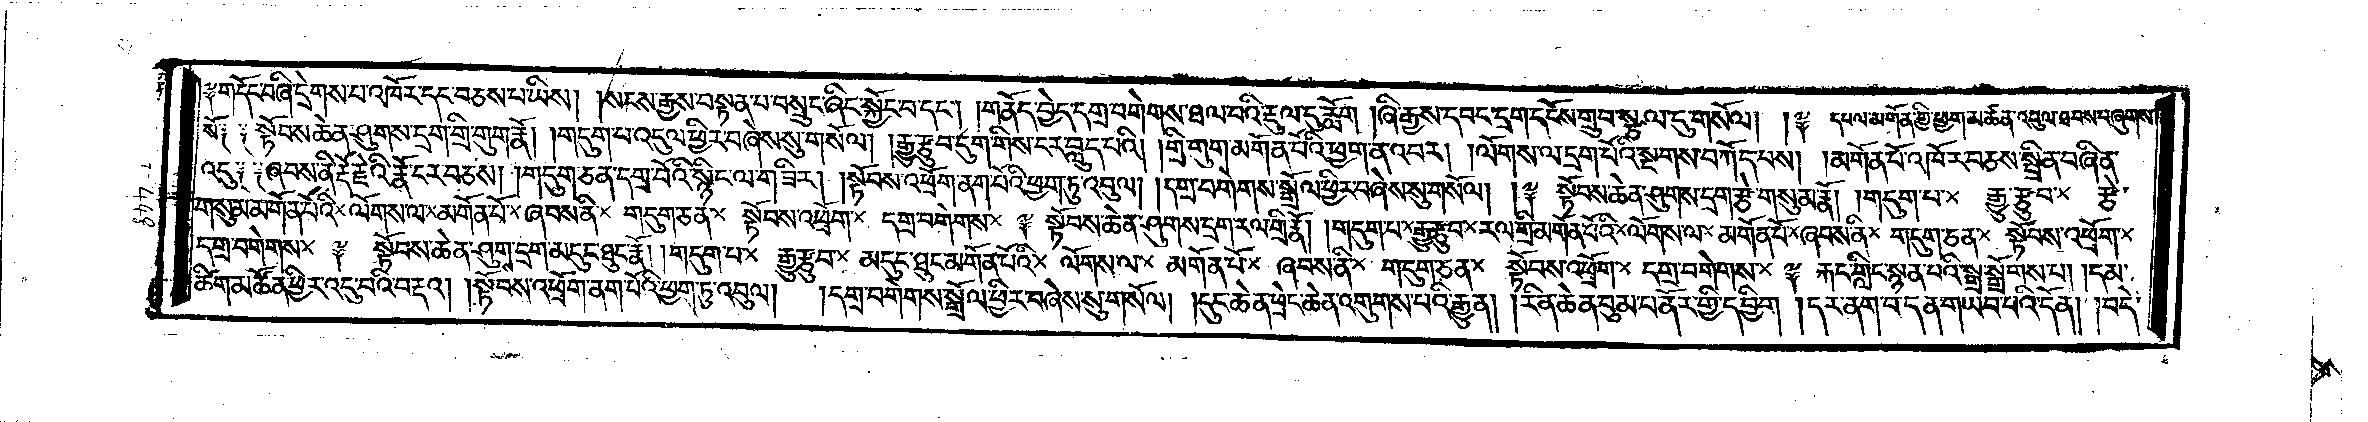༈ གདོང་བཞི་དྲེགས་པ་འཁོར་དང་བཅས་པ་ཡིས། །སངས་རྒྱས་བསྟན་པ་བསྲུང་ཞིང་སྐྱོང་བ་དང་། །གནོད་བྱེད་དགྲ་བགེགས་ཐལ་བའི་རྡུལ་དུ་རློག །ཞི་རྒྱས་དབང་དྲག་དངོས་གྲུབ་སྩལ་དུ་གསོལ། །༈དཔལ་མགོན་གྱི་ཕྱག་མཚན་འབུལ་ཐབས་བཞུགས་
སོ༑ ༑སྟོབས་ཆེན་ཤུགས་དྲག་གི་གུག་རྣོ། །གདུག་པ་འདུལ་ཕྱིར་བཞེས་སུ་གསོལ། །རྒྱུ་རྩུབ་དུག་གིས་ངར་བླུད་པའི། །གྲི་གུག་མགོན་པོའི་ཕྱག་ན་འབར། །ལོགས་ལ་དྲག་པོའི་སྔགས་བཀོད་པས། །མགོན་པོ་འཁོར་བཅས་སྤྲིན་བཞིན་
འདུ༑ ༑ཞབས་ནི་རྡོ་རྗེའི་རྣོ་ངར་བཅས། །གདུག་ཅན་དགྲ་བོའི་སྙིང་ལ་གཟིར། །སྟོབས་འགྲོག་ནག་པོའི་ཕྱག་ཏུ་འབུལ། །དགྲ་བགེགས་སྒྲོལ་ཕྱིར་བཞེས་སུ་གསོལ། །༈ སྟོབས་ཆེན་ཤུགས་དྲག་རྩེ་གསུམ་རྣོ། །གདུག་པ་྾་རྒྱུ་རྩུབ་྾་རྩེ་
གསུམ་མགོན་པོའི་྾་ལོགས་ལ་྾་མགོན་པོ་྾་ཞབས་ནི་྾་གདུག་ཅན་྾་སྟོབས་འཕྲོག་྾་དགྲ་བགེགས་྾་༈ སྟོབས་ཆེན་ཤུགས་དྲག་རལ་གྲི་རྣོ། །གདུག་པ་྾་རྒྱུ་རྩུབ་྾་རལ་གྲི་མགོན་པོའི་྾་ལོགས་ལ་྾་མགོན་པོ་྾་ཞབས་ནི་྾་གདུག་ཅན་྾་སྟོབས་འཕྲོག་྾་
དགྲ་བགེགས་྾་༈ སྟོབས་ཆེན་ཤུགས་དྲག་མདུང་ཐུང་རྣོ། །གདུག་པ་྾་རྒྱུ་རྩུབ་྾་མདུང་ཐུང་མགོན་པོའི་྾་ལོགས་ལ་྾་མགོན་པོ་྾་ཞབས་ནི་྾་གདུག་ཅན་྾་སྟོབས་འཕྲོག་྾་དགྲ་བགེགས་྾་༈ རྐང་གླིང་སྙན་པའི་སྒྲ་སྒྲོགས་པ། །དམ་
ཚིག་མཚོན་ཕྱིར་འདུ་བའི་བརྡའ། །སྟོབས་འཕྲོག་ནག་པོའི་ཕྱག་ཏུ་འབུལ། །དགྲ་བགེགས་སྒྲོལ་ཕྱིར་བཞེས་སུ་གསོལ། །དུང་ཆེན་ཕྲེང་ཆེན་འགུགས་པའི་རྒྱུན། །རིན་ཆེན་བུམ་པ་ནོར་གྱི་དབྱིག །དར་ནག་བ་དན་གཡབ་པའི་དོན། །བདེ་